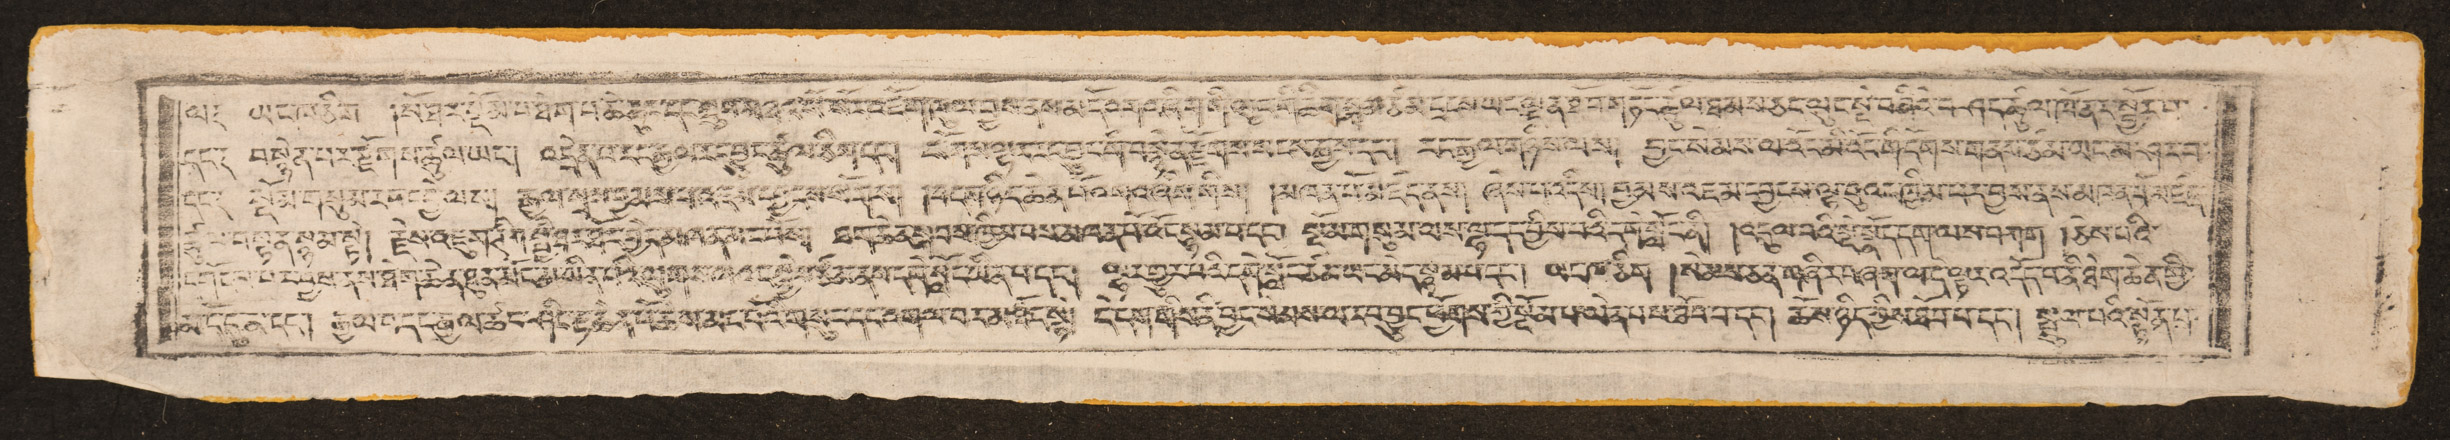ལ༑ ཡང་ཁ་ཅིག །སོ་ཐར་སྡོམ་པ་ཐེག་པ་ཆེ་ཆུང་དང་གྲུབ་མཐའ་སོ་སོར་འཇོག་ཁུལ་བྱས་ནས་མདོ་འགའ་ཞིག་གི་ལུང་གི་ཚིག་སྐམ་ཙམ་དྲངས་ཡང་ལྡན་ཐོབ་གཏོང་ཚུལ་ཐམས་ཅད་ལུང་སྡེ་བཞིའི་བཤད་ཚུལ་ཁོ་ནར་སྦྱོར་བ་
དང༑ བསྙེན་པར་རྫོགས་ཚུལ་ཡང་། འདྲེན་པ་རང་རྒྱལ་རང་བྱུང་ཚུལ་ཅིག་དང་། སོགས་ལྟར་རང་བྱུང་གི་བསྙེན་རྫོགས་སངས་རྒྱས་དང་། རང་རྒྱལ་གཉིས་ལས། བྱང་སེམས་ལ་འོང་མི་འོང་གི་དོགས་གནས་ཙམ་ཡང་མ་ཤར་བ་
དང༑ སྡོམ་གསུམ་རབ་དབྱེ་ལས། རྒྱལ་སྲས་བྱམས་པ་འཇམ་དབྱངས་སོགས། །བདག་ཉིད་ཆེན་པོ་འགའ་ཞིག་གིས། །མཁན་པོ་མཛད་ནས། ཞེས་པ་འདིས། བྱམས་འཇམ་དབྱངས་ལྟ་བུའང་ཁྱིམ་པར་བྱས་ནས་མཁན་པོ་མཛད་
ཚུལ་བསྟན་སྙམ་སྟེ། རྗེས་འཇུག་ཊིཀ་སྤྱི་ཐར་ཐོར་བྱེད་མཁན་མང་པོས། ཐེག་ཆེན་སྐབས་ཁྱིམ་པས་མཁན་པོ་འོང་སྙམ་པ་དང་། སྡོམ་གསུམ་ལས་ལྷ་དང་བྱིས་པའི་དགེ་སློང་ནི། །འདུལ་བའི་སྡེ་སྣོད་དག་ལས་བཀག །ཅེས་པའི་
དགོངས་པར་བྱས་ནས་ཐེག་ཆེན་ཐུན་མོང་མ་ཡིན་པའི་ལུགས་ལའང་སྐྱེས་ཙམ་ནས་དགེ་སློང་ཡིན་པ་དང་། ལྷར་གྱུར་པའི་དགེ་སློང་ཙམ་ཡང་མེད་སྙམ་པ་དང་། ཡང་ཁ་ཅིག །སེམས་ཅན་གཞིར་བཞག་ལ་དེ་ལྟར་འདོད་པ་ནི་ཐེག་ཆེན་གྱི་
མདོ་དུ་མ་དང་། རྒྱལ་བ་དང་རྒྱལ་ཚང་ཤིང་རྟ་ཆེན་པོ་ཆེས་མང་པོའི་གསུང་དང་འགལ་བར་མཐོང་སྟེ། དེ་དག་གིས་ནི་བྱང་སེམས་ལ་རབ་བྱུང་ཕྱོགས་ཀྱི་སྡོམ་པ་ལེན་པས་ཐོབ་པ་དང་། ཆོས་ཉིད་ཀྱིས་ཐོབ་པ་དང་། སྤྲུལ་པའི་སྟོན་པ་